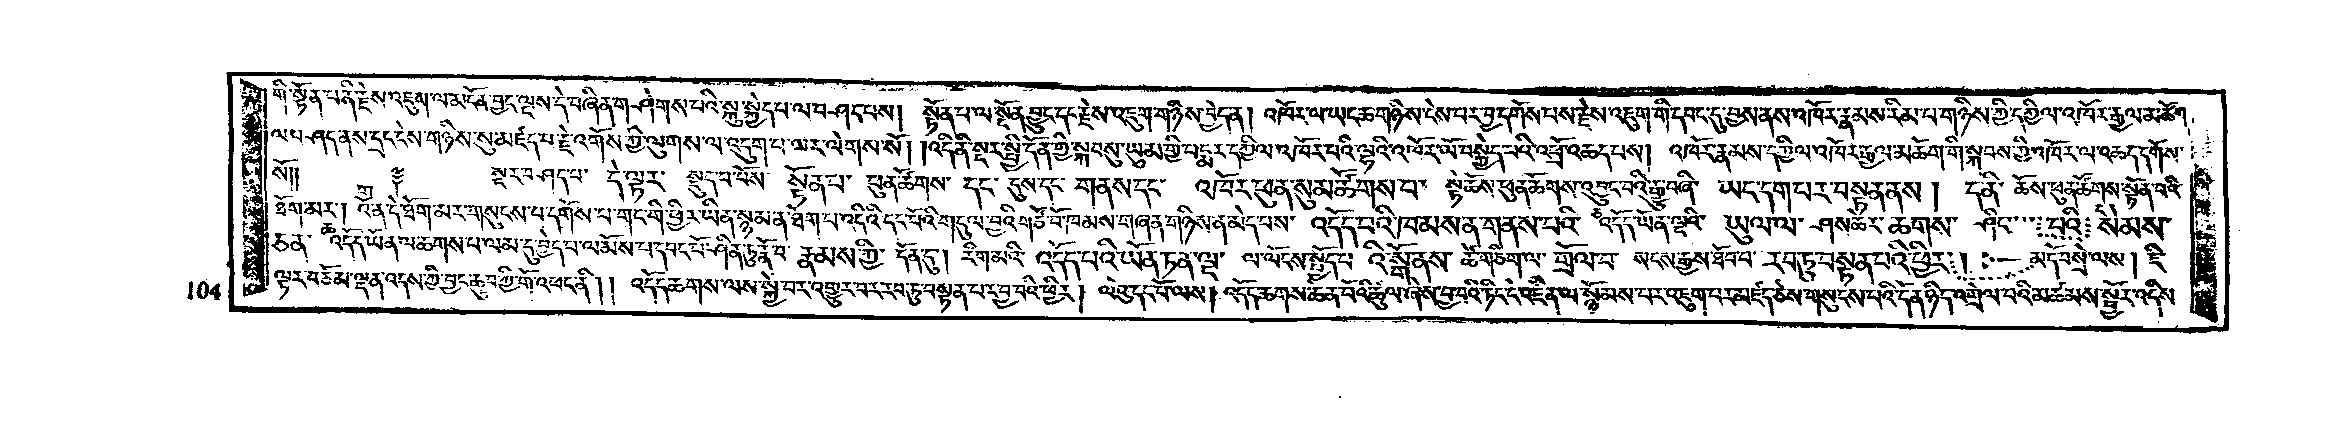གི་སྟོན་པ་ནི་རྗེས་འཇུག་ལ་མངོན་བྱང་ལྔས་དེ་བཞིན་གཤེགས་པའི་སྐུ་སྐྱེད་པ་ལ་བཤད་པས། སྟོན་པ་ལ་སྔོན་བྱུང་དང་རྗེས་འཇུག་གཉིས་བྱེད་ན། འཁོར་ལ་ཡང་ཆ་གཉིས་ངེས་པར་བྱ་དགོས་པས་རྗེས་འཇུག་གི་དབང་དུ་བྱས་ནས་འཁོར་རྣམས་རིམ་པ་གཉིས་ཀྱི་དཀྱིལ་འཁོར་རྒྱལ་མཆོག་
ལ་བཤད་ནས་དྲང་ངེས་གཉིས་སུ་མཛད་པ་རྗེ་འགོས་ཀྱི་ལུགས་ལ་འདུག་པ་ལྟར་ལེགས་སོ། །འདི་ནི་སྔར་སྤྱི་དེན་གྱི་སྐབས་སུ་ཡུམ་གྱི་པདམར་དཀྱིལ་འཁོར་བའི་ལྷའི་འཁོར་ལོ་བསྐྱེད་པའི་འཕྲོ་འཆད་པས། འཁོར་རྣམས་དཀྱིལ་འཁོར་རྒྱལ་མཆོག་གི་སྐབས་ཀྱི་འཁོར་ལ་འཆད་དགོས་
སོ།། ༈ སྔར་བཤད་པ་དེ་ལྟར་སྡུད་པ་པོས་སྟོན་པ་ཕུན་ཚོགས་དང་དུས་དང་གནས་དང་འཁོར་ཕུན་སུམ་ཚོགས་པ་སྟེ་ཆོས་ཕུན་ཚོགས་འབྱུང་བའི་རྒྱུ་བཞི་ཡང་དག་པར་བསྟན་ནས། ད་ནི་ཆོས་ཕུན་ཚོགས་སྟོན་པའི་
ཐོག་མར། ག་འོ་ན་དེ་ཐོག་མར་གསུངས་པ་དགོས་པ་གང་གི་ཕྱིར་ཡིན་སྙམ་ན་ཐེག་པ་འདིའི་དང་པོའི་གདུལ་བྱའི་གཙོ་བོ་ཁམས་གཞན་གཉིས་ན་མེད་པས་འདོད་པའི་ཁམས་ན་གནས་པའི་ཅ་འདོད་ཡོན་ལྔའི་ཡུལ་ལ་ཤས་ཆེར་ཆགས་ཤིང་པའི་ང་སེམས་
ཅན་ཆ་འདོད་ཡོན་ལ་ཆགས་པ་ལམ་དུ་བྱེད་པ་ལ་མོས་པ་དབང་པོ་ཤིན་ཏུ་རྣོ་བ་རྣམས་ཀྱི་དོན་དུ། རིག་མའི་འདོད་པའི་ཡོན་ཏན་ལྔ་ལ་ལོངས་སྤྱོད་པ་འི་སྒོ་ནས་ཚེ་གཅིག་ལ་གྲོལ་བ་སངས་རྒྱས་ཐོབ་པ་རབ་ཏུ་བསྟན་པའི་ཕྱིར།H.་མདོ་བསྲེ་ལས། ཇི་
ལྟར་བཅོམ་ལྡན་འདས་ཀྱི་བྱང་ཆུབ་ཀྱི་གོ་འཕང་ནི། །འདོད་ཆགས་ལས་སྐྱེ་བར་འགྱུར་བར་རབ་ཏུ་བསྟན་པར་བྱ་བའི་ཕྱིར། ལེའུ་དང་པོ་ལས། འདོད་ཆགས་ཆེན་པོའི་ཚུལ་ཞེས་བྱ་བའི་ཏིང་ངེ་འཛིན་ལ་སྙོམས་པར་འཇུག་པར་མཛད་ཅེས་གསུངས་པའི་དོན་ཉིད་འགྲེལ་བའི་མཚམས་སྦྱོར་འདིས་